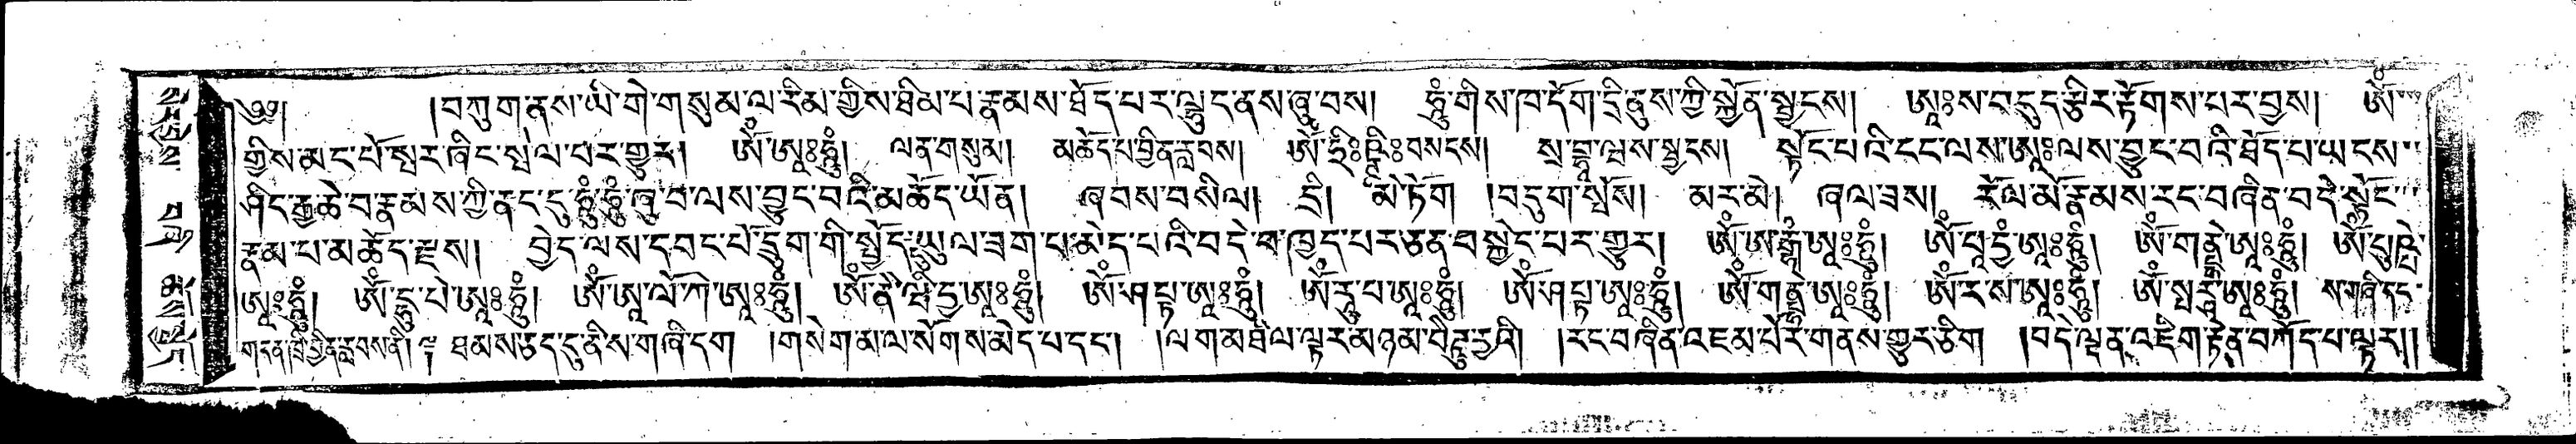༄༅། །བཀུག་ནས་ཡི་གེ་གསུམ་ལ་རིམ་གྱིས་ཐིམ་པ་རྣམས་ཐོད་པར་ལྷུང་ནས་ཞུ་བས། ཧཱུཾ་གིས་ཁ་དོག་དྲི་ནུས་ཀྱི་སྐྱོན་སྦྱངས། ཨཱཿ ས་བདུད་རྩིར་རྟོགས་པར་བྱས། ཨོཾ་
གྱིས་མང་པོ་སྤར་ཞིང་སྤེལ་བར་གྱུར། ཨོཾ་ཨཱཿ ཧཱུཾ། ལན་གསུམ། མཆོད་པ་བྱིན་རླབས། ཨོཾ་ཧྲིཿ ཥྚིཿ བསངས། སྲ་བྷཱ་ཝས་སྦྱངས། སྟོང་པའི་ངང་ལས་ཨཱཿ ལས་བྱུང་བའི་ཐོད་པ་ཡངས་
ཤིང་རྒྱ་ཆེ་བ་རྣམས་ཀྱི་ནང་དུ་ཧཱུཾ་ཧཱུཾ་ཞུ་བ་ལས་བྱུང་བའི་མཆོད་ཡོན། ཞབས་བསིལ། དྲི། མེ་ཏོག །བདུག་སྤོས། མར་མེ། ཞལ་ཟས། རོལ་མོ་རྣམས་རང་བཞིན་བདེ་སྟོང་
རྣམ་པ་མཆོད་རྫས། བྱེད་ལས་དབང་པོ་དྲུག་གི་སྤྱོད་དུ་ཡུལ་ཟག་པ་མེད་པའི་བདེ་བ་ཁྱད་པར་ཅན་བསྐྱེད་པར་གྱུར། ཨོཾ་ཨརྒྷཾ་ཨཱཿ ཧཱུཾ། ཨོཾ་པཱ་དྱཾ་ཨཱཿ ཧཱུཾ། ཨོཾ་གནྡྷེ་ཨཱཿ ཧཱུཾ། ཨོཾ་པུཥྤེ་
ཨཱཿ ཧཱུཾ། ཨོཾ་དྷུ་པེ་ཨཱཿ ཧཱུཾ། ཨོཾ་ཨཱ་ལོ་ཀེ་ཨཱཿ ཧཱུཾ། ཨོཾ་ནཻ་ཝི་དྱ་ཨཱཿ ཧཱུཾ། ཨོཾ་ཤཔྟ་ཨཱཿ ཧཱུཾ། ཨོཾ་རཱུ་པ་ཨཱཿ ཧུའཾ། ཨོཾ་ཤཔྟ་ཨཱཿ ཧཱུཾ། ཨོཾ་གནྡྷེ་ཨཱཿ ཧཱུཾ། ཨོཾ་ར་ས་ཨཱཿ ཧཱུཾ། ཨོཾ་སྤརྴ་ཨཱཿ ཧཱུཾ། ས་གཞི་དང་
གདན་ཁྲི་བྱིན་རླབས་ནི། ༈ ཐམས་ཅད་དུ་ནི་ས་གཞི་དག །གསེག་མ་ལ་སོགས་མེད་པ་དང་། །ལག་མཐིལ་ལྟར་མཉམ་བཻཌཱུ་རྱའི། །རང་བཞིན་འཇམ་པོར་གནས་གྱུར་ཅིག །བདེ་ལྡན་འཇིག་རྟེན་བཀོད་པ་ལྟར། །